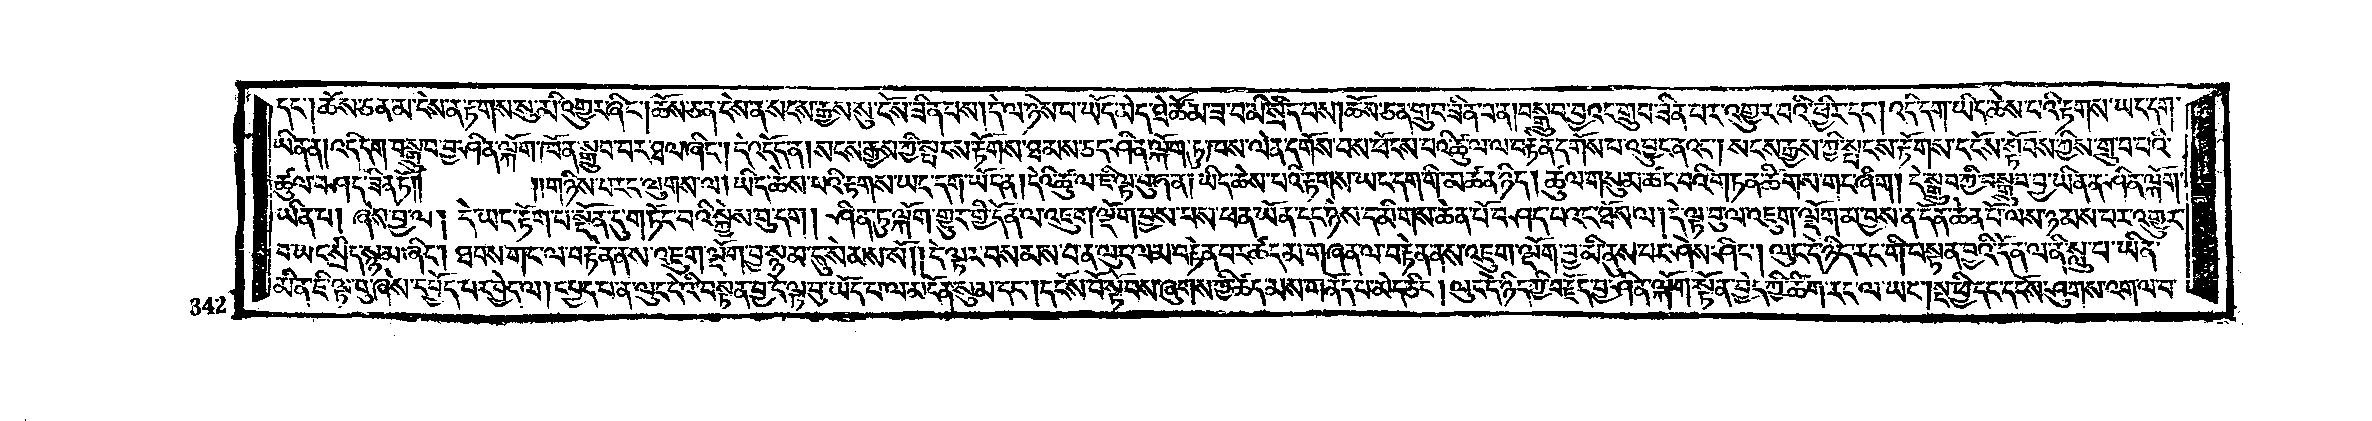དང་། ཆོས་ཅན་མ་ངེས་ན་རྟགས་སུ་མི་འགྱུར་ཞིང་། ཆོས་ཅན་དེས་ན་སངས་རྒྱས་སུ་ངེས་ཟིན་པས། དེ་ལ་ཉེས་པ་ཡོད་མེད་ཐེ་ཚོམ་ཟ་བ་མི་སྲིད་པས། ཆོས་ཅན་གྲུབ་ཟིན་པ་ན། བསྒྲུབ་ཡའང་གྲུབ་ཟིན་པར་འགྱུར་བའི་ཕྱིར་དང་། འདི་དག་ཡིད་ཆེས་པའི་རྟགས་ཡང་དག་
ཡིན་ན། འདི་དག་བསྒྲུབ་བྱ་ཤིན་ལྐོག་ཁོ་ན་སྒྲུབ་པར་ཐལ་ཞིང་། དེ་འདོད་ན། སངས་རྒྱས་ཀྱི་སྤངས་རྟོགས་ཐམས་ཅད་ཤིན་ལྐོག་ཏུ་ཁས་ལེན་དགོས་པས་ཕོངས་པའི་ཚུལ་ལ་བརྟེན་དགོས་པ་འབྱུང་ནའང་། སངས་རྒྱས་ཀྱི་སྤངས་རྟོགས་དངོས་སྟོབས་ཀྱིས་གྲུབ་པའི་
ཚུལ་བཤད་ཟིན་ཏོ།། །།གཉིས་པ་རང་ལུགས་ལ། ཡིད་ཆེས་པའི་རྟགས་ཡང་དག་ཡོད་ན། དེའི་ཚུལ་ཇི་ལྟ་བུ་ཞེ་ན། ཡིད་ཆེས་པའི་རྟགས་ཡང་དག་གི་མཚན་ཉིད། ཚུལ་གསུམ་ཚང་བའི་གཏན་ཚིགས་གང་ཞིག །དེ་སྒྲུབ་ཀྱི་བསྒྲུབ་བྱ་ཡིན་ན་ཤིན་ལྐོག་
ཡིན་པ། ཞེས་བྱ་ལ། དེ་ཡང་རྟོག་པ་སྔོན་དུ་གཏོང་བའི་སྐྱེས་བུ་དག །ཤིན་ཏུ་ལྐོག་གྱུར་གྱི་དོན་ལ་འཇུག་ལྡོག་བྱས་པས་ཕན་ཡོན་དང་ཉེས་དམིགས་ཆེན་པོ་བཤད་པའང་ཐོས་ལ། དེ་ལྟ་བུ་ལ་འཇུག་ལྡོག་མ་བྱས་ན་དོན་ཆེན་པོ་ལས་ཉམས་པར་འགྱུར་
བ་ཡང་སྲིད་སྙམ་ཞིང་། ཐབས་གང་ལ་བརྟེན་ནས་འཇུག་ལྡོག་བྱ་སྙམ་དུ་སེམས་སོ། །དེ་ལྟར་བསམས་པ་ན་ལུང་ལ་མ་བརྟེན་པར་ཚད་མ་གཞན་ལ་བརྟེན་ནས་འཇུག་ལྡོག་བྱ་མི་ནུས་པར་ཤེས་ཤིང་། ལུང་དེ་ཉིད་རང་གི་བསྟན་བྱའི་དོན་ལ་ནི་སླུ་པ་ཡིན་
མིན་ཇི་ལྟ་བུ་ཞེས་དཔྱོད་པར་བྱེད་ལ། དཔྱད་པ་ན་ལུང་དེའི་བསྟན་བྱ་དེ་ལྟ་བུ་ཡོད་པ་ལ་མངོན་སུམ་དང་། དངོས་པོ་སྟོབས་ཞུགས་ཀྱི་ཚད་མས་གནོད་པ་མེད་ཅིང་། ལུང་དེ་ཉིད་ཀྱི་བརྗོད་བྱ་ཤིན་ལྐོག་སྟོན་བྱེད་ཀྱི་ཚིག་རང་ལ་ཡང་། སྔ་ཕྱི་དང་དངོས་ཤུགས་འགལ་བ་